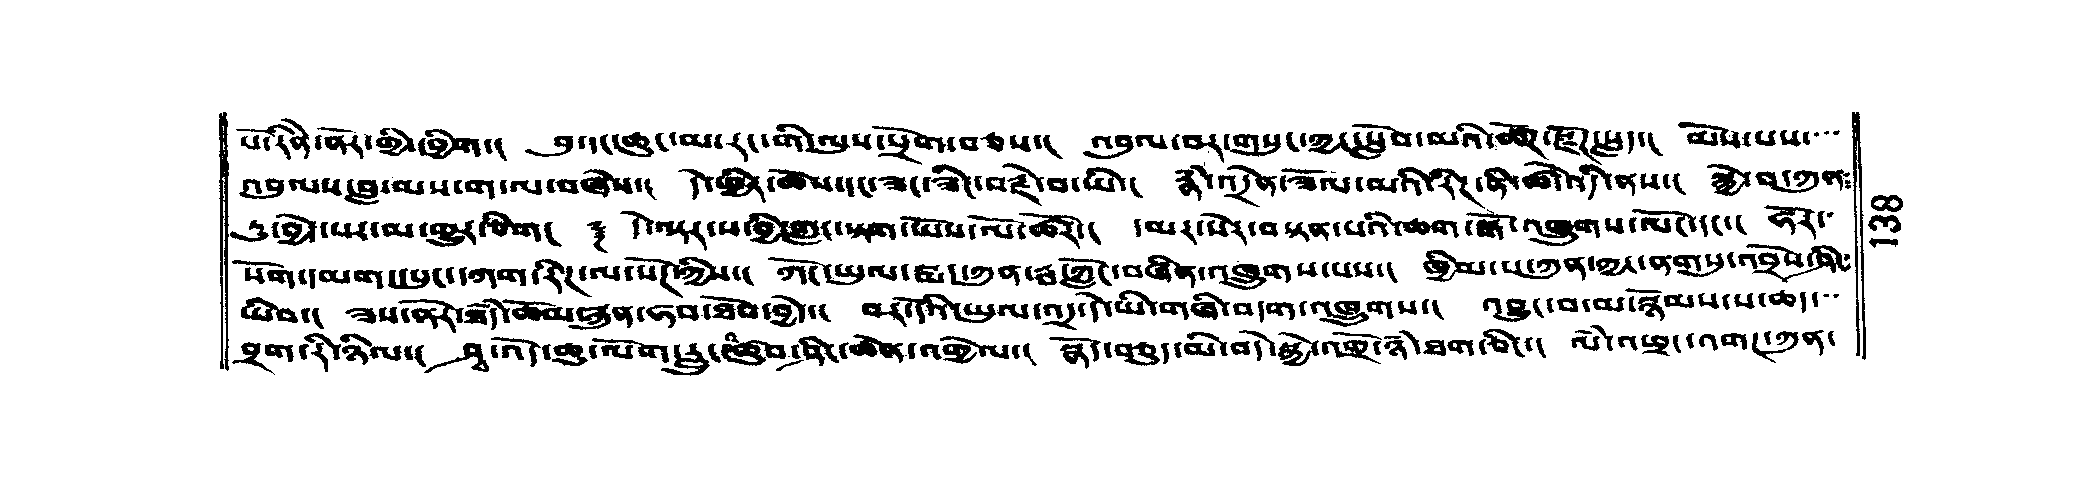པོ་རིན་ཆེན་ནོར་གྱི་དབྱིག།བུ་དང་ཆུང་མ་རང་གི་ལུས་སྲོག་བཅས། །འབུལ་བར་གསུང་ཡང་སློབ་མའི་ཚོགས་རྫོགས་སླད། །མོས་པས་
འབུལ་ལས་བླ་མས་ག་ལ་བཞེས། །དེ་ཕྱིར་ཆོས་དང་ཟང་ཟིང་བརྗེ་བ་ཡི། །རྣམ་འདྲེན་ཟོལ་མའི་རིགས་ནི་ཚེ་འདི་ནས། །སྐྱེ་བ་ཀུན་
ཏུ་བྱེད་པར་མ་གྱུར་ཅིག །དེ་ལྟར་ས་བྱི་གླང་སྟག་ཡོས་ལོ་ཚོར། །དམར་སེར་བསྟན་པའི་ཆག་སྒོ་འཁྲུགས་ལོང་དང་། །ཧོར་
སོག་དམག་དཔུང་དཀག་རིགས་ལ་སོགས་ཀྱིས། །ཀོང་ཡུལ་སྨད་ཀུན་རྦ་ཀློང་བཞིན་འཁྲུགས་པས། །ཁྱིམ་པ་ཀུན་ཀྱང་ནགས་སུ་འབྲོས་ཤིང་
ཡིབ། །ཟས་ནོར་ཐམས་ཅད་ཆོམ་རྐུན་ཧབ་ཐོབ་བྱེད། །བར་དོའི་ཡུལ་འདྲ་དེ་ཡི་གཞི་བདག་འཁྲུགས། །འབྱུང་བ་མ་སྙོམས་ས་ཆད་
བྲག་རི་ཉིལ། །ཤྭ་འོད་ཆུ་ལོག་རླུང་འཚུབས་ཤིང་ཆེན་འགྱེལ། །སྣོད་བཅུད་མི་བདེ་སྐྱེ་འགྲོ་ཉམས་ཐག་ཅིང་། །ལམ་འཕྲང་འགག་ཀུན་